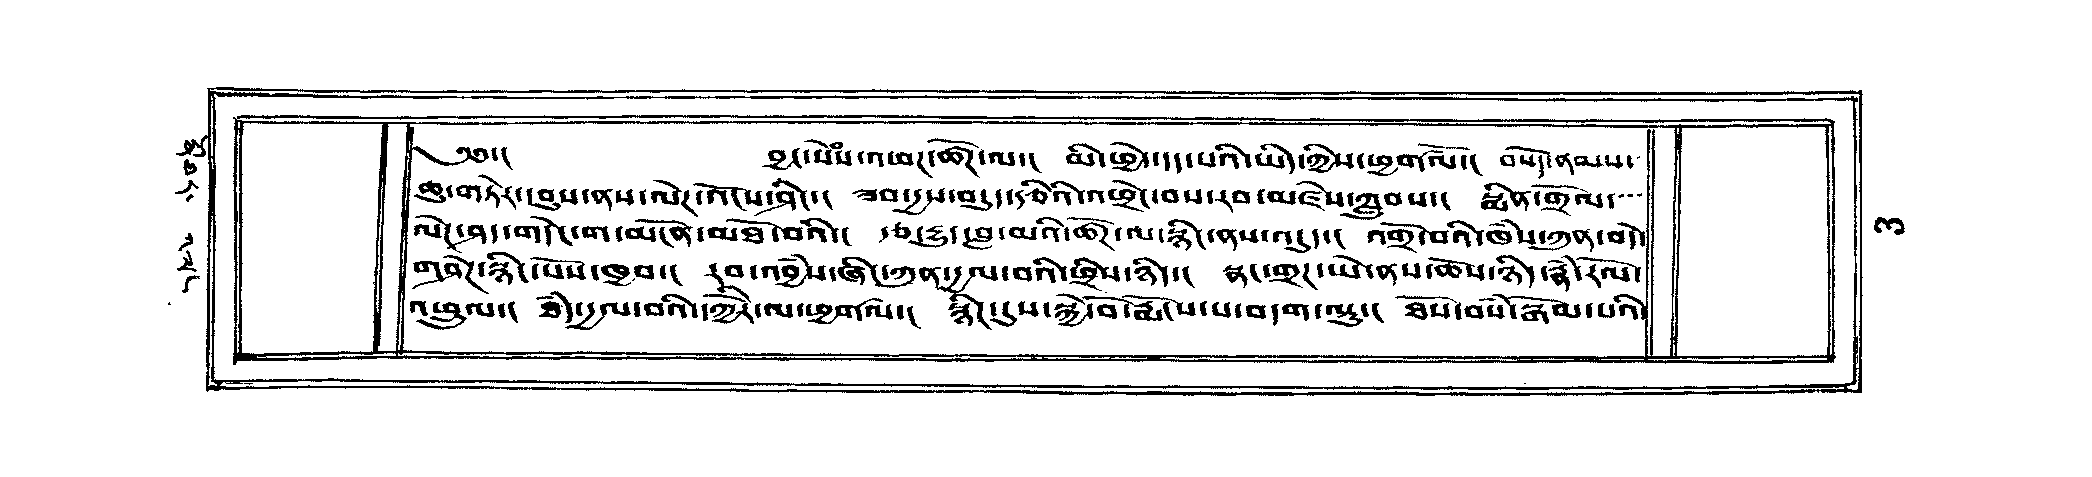བྱང་སམས་འཕགས་ཚོགས་ལ། །མི་ཕྱེད་དད་པའི་ཡིད་ཀྱིས་ཕྱག་འཚལ་ལོ། །བསོད་ནམས་
ཆུ་གཏེར་དབུས་ནས་ལེགས་འོངས་ཤིང་། །ཟབ་རྒྱས་བདུད་རྩིའི་འཕྲེང་བས་རབ་མཛེས་ཀླུབས། །སྨིན་གྲོལ་
ལེགས་བཤད་གདེངས་ཀ་མངོན་མཐོ་བའི། །རྩ་རྒྱུད་བླ་མའི་ཚོགས་ལ་སྙིང་ནས་འདུད། །འགྲོ་བའི་ཁམས་ཀུན་བདེ་
གཤེགས་སྙིང་པོས་ཁྱབ། །རབ་འབྱམས་ཞིང་ཀུན་རྒྱལ་བའི་ཕྲིན་ལས་ཉིད། །སྣང་གྲགས་ཡེ་ནས་ཆོས་ཉིད་རྣམ་རོལ་
འཕྲུལ། །ཐམས་ཅད་རྒྱལ་བའི་དཀྱིལ་འཁོར་ལ་ཕྱག་འཚལ། །སྙིགས་དུས་སྐྱེ་བོ་རྨོངས་པ་བདག་ལྟ་བུ། །ཐོས་བསམ་སྒོམ་པའི་